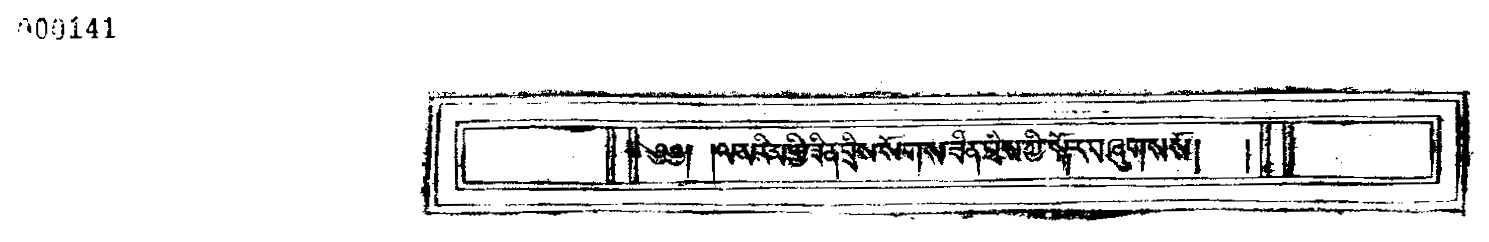༄༅། །ལམ་རིམ་གྱི་ཟིན་བྲིས་སོགས་ཟིན་བྲིས་ཀྱི་སྐོར་བཞུགས་སོ། །